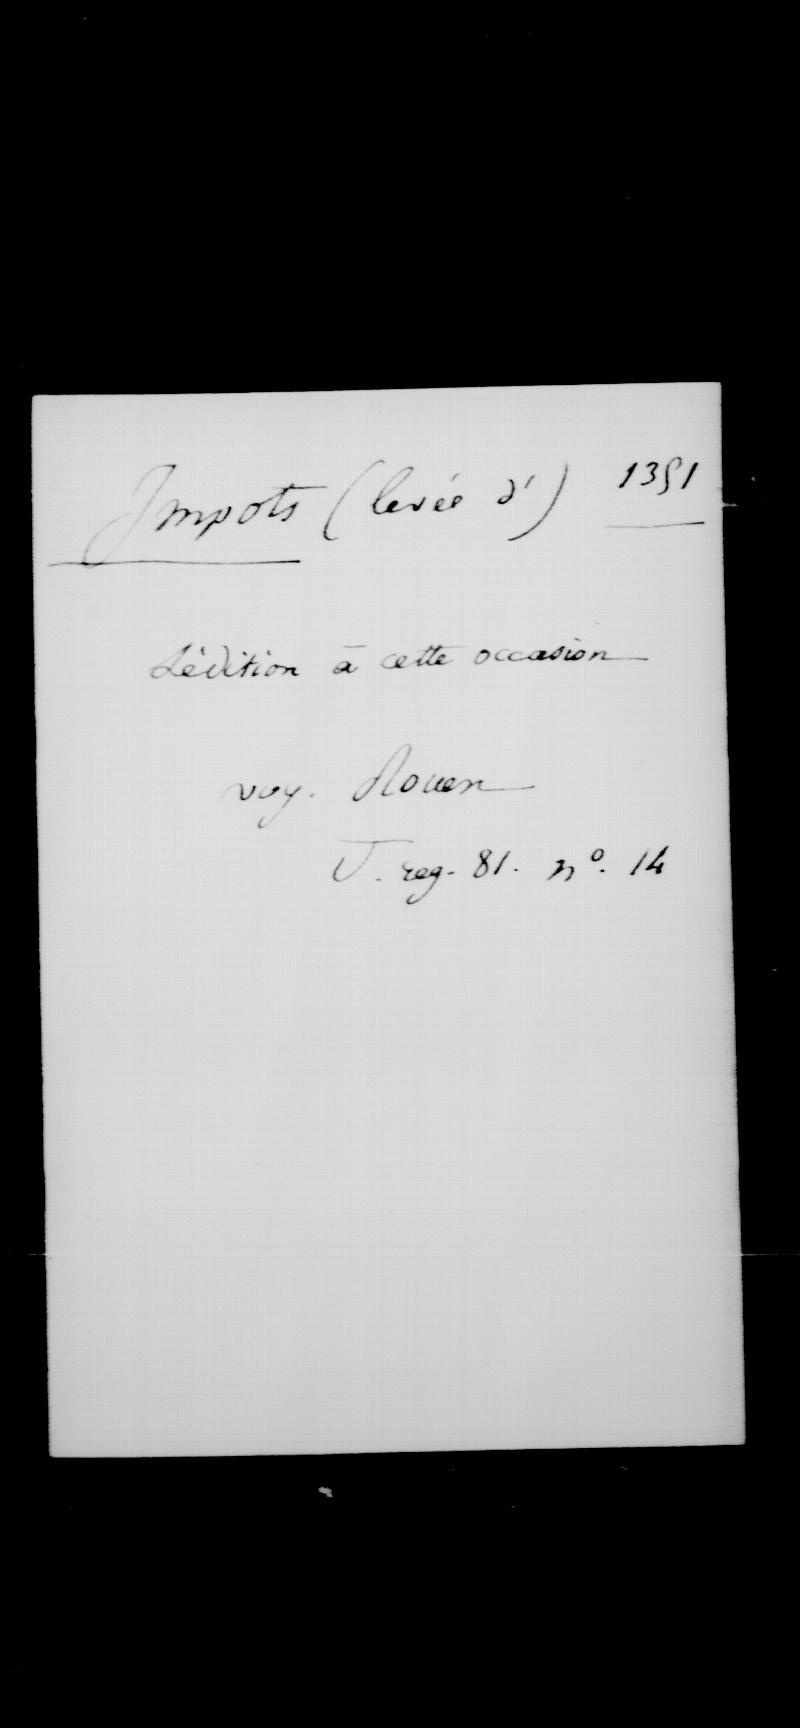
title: Impots (levée d’)
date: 1351
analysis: Sédition à cette occasion Voir Rouen
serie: J
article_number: reg. 81
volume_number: n° 14
